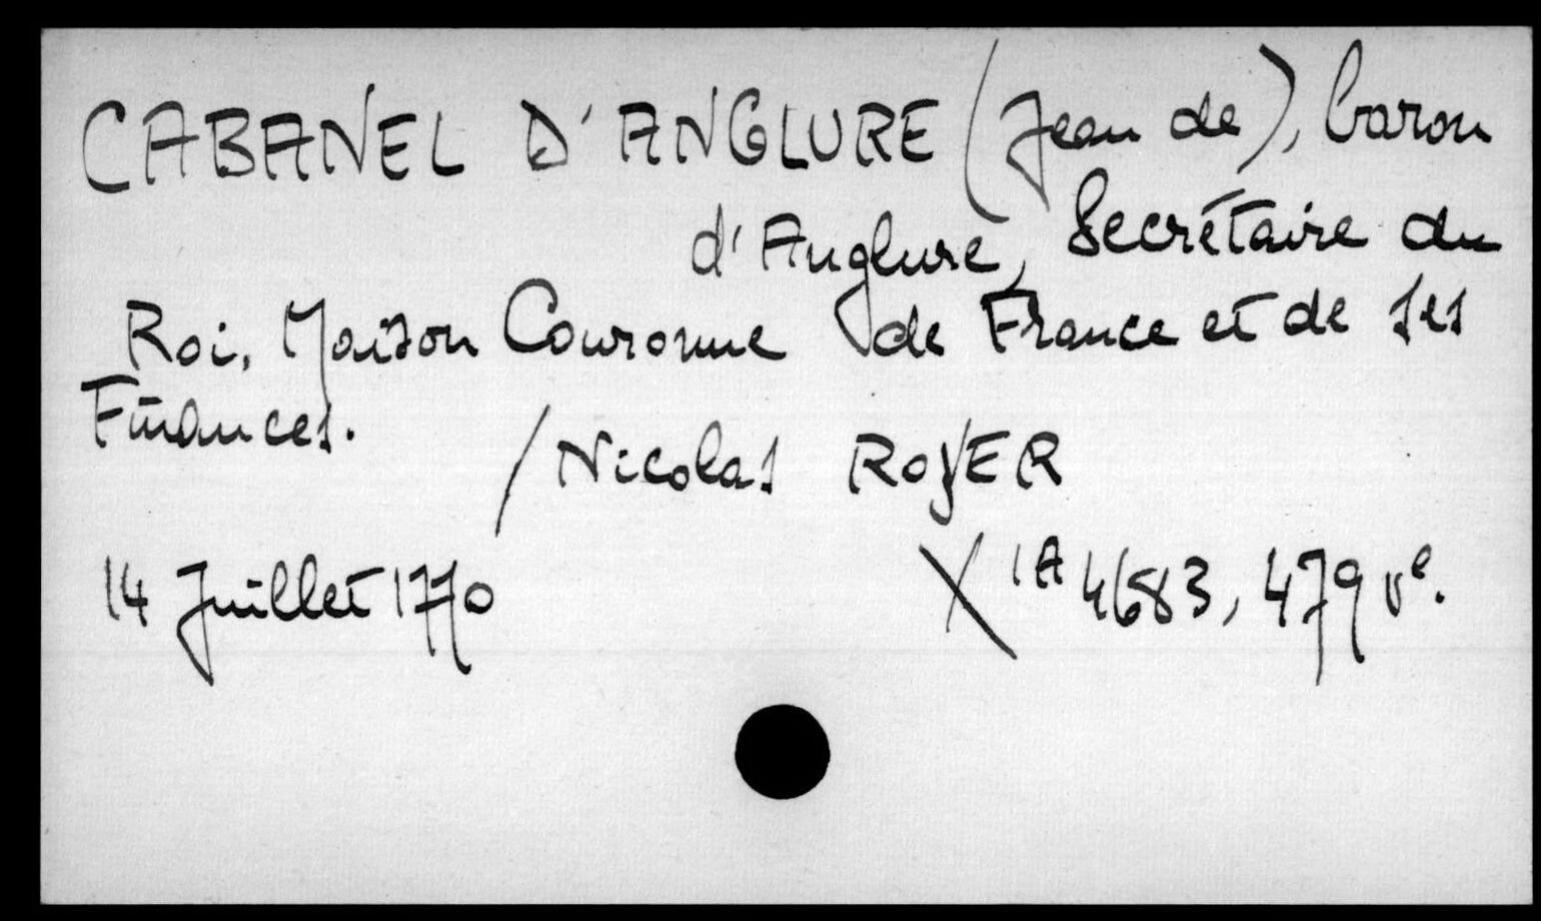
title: CABANEL D'ANGLURE (Jean de), baron d'Anglure, secrétaire du Roi, maison couronne de France et de ses Finances.
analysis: Contre Nicolas ROYER
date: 14 juillet 1770
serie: X1A
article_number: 4683
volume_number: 479v
